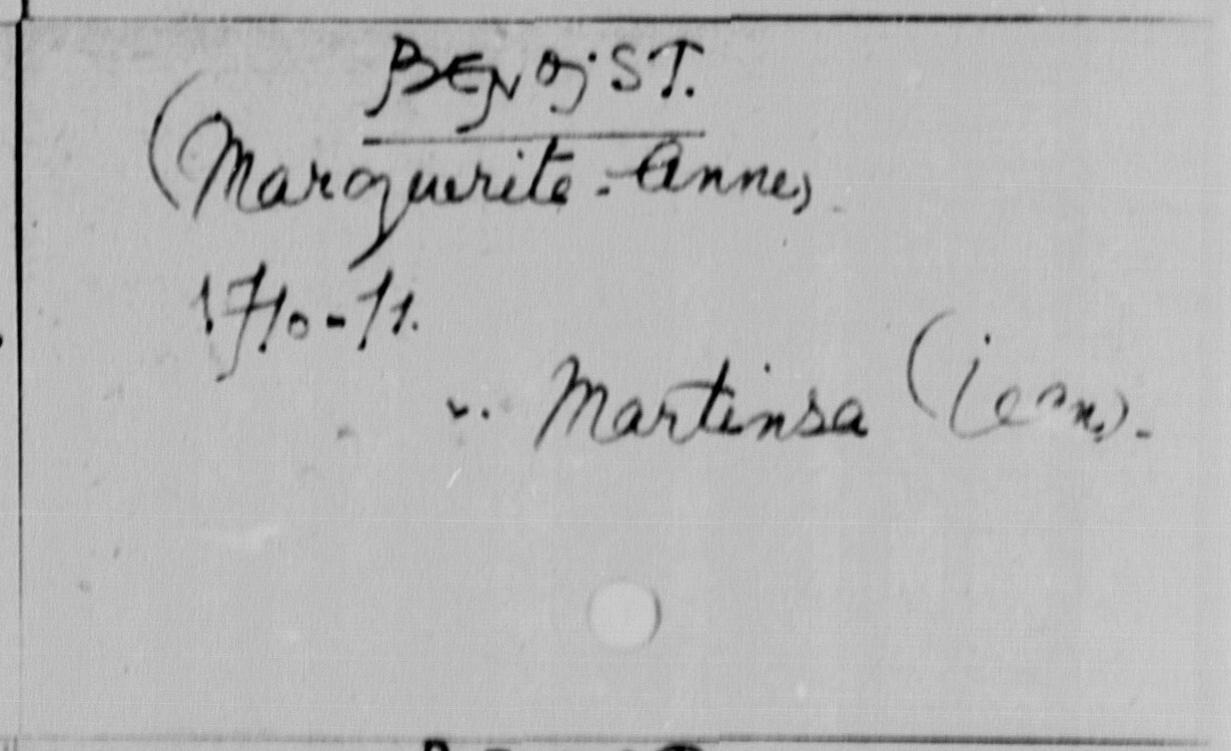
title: BENOIST (Marguerite-Anne)
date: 1710-1711
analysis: Voir : MARTINSA (Jean)
